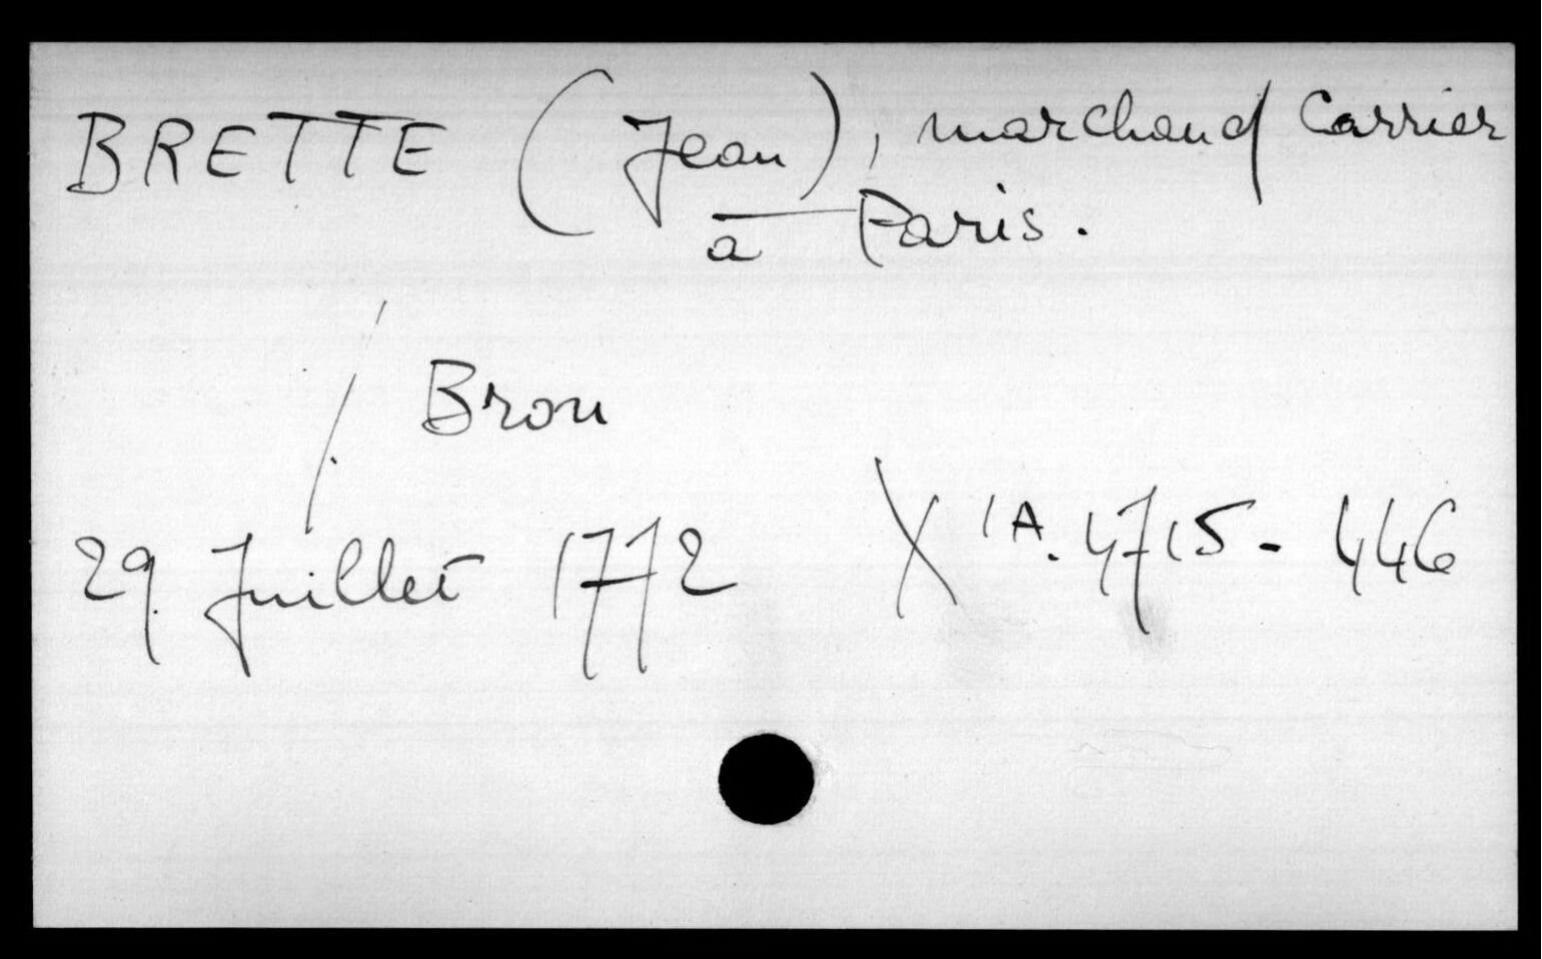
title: BRETTE (Jean), marchand carrier à Paris.
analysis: Contre Bron
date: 29 juillet 1772
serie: X1A
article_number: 4715
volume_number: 446
